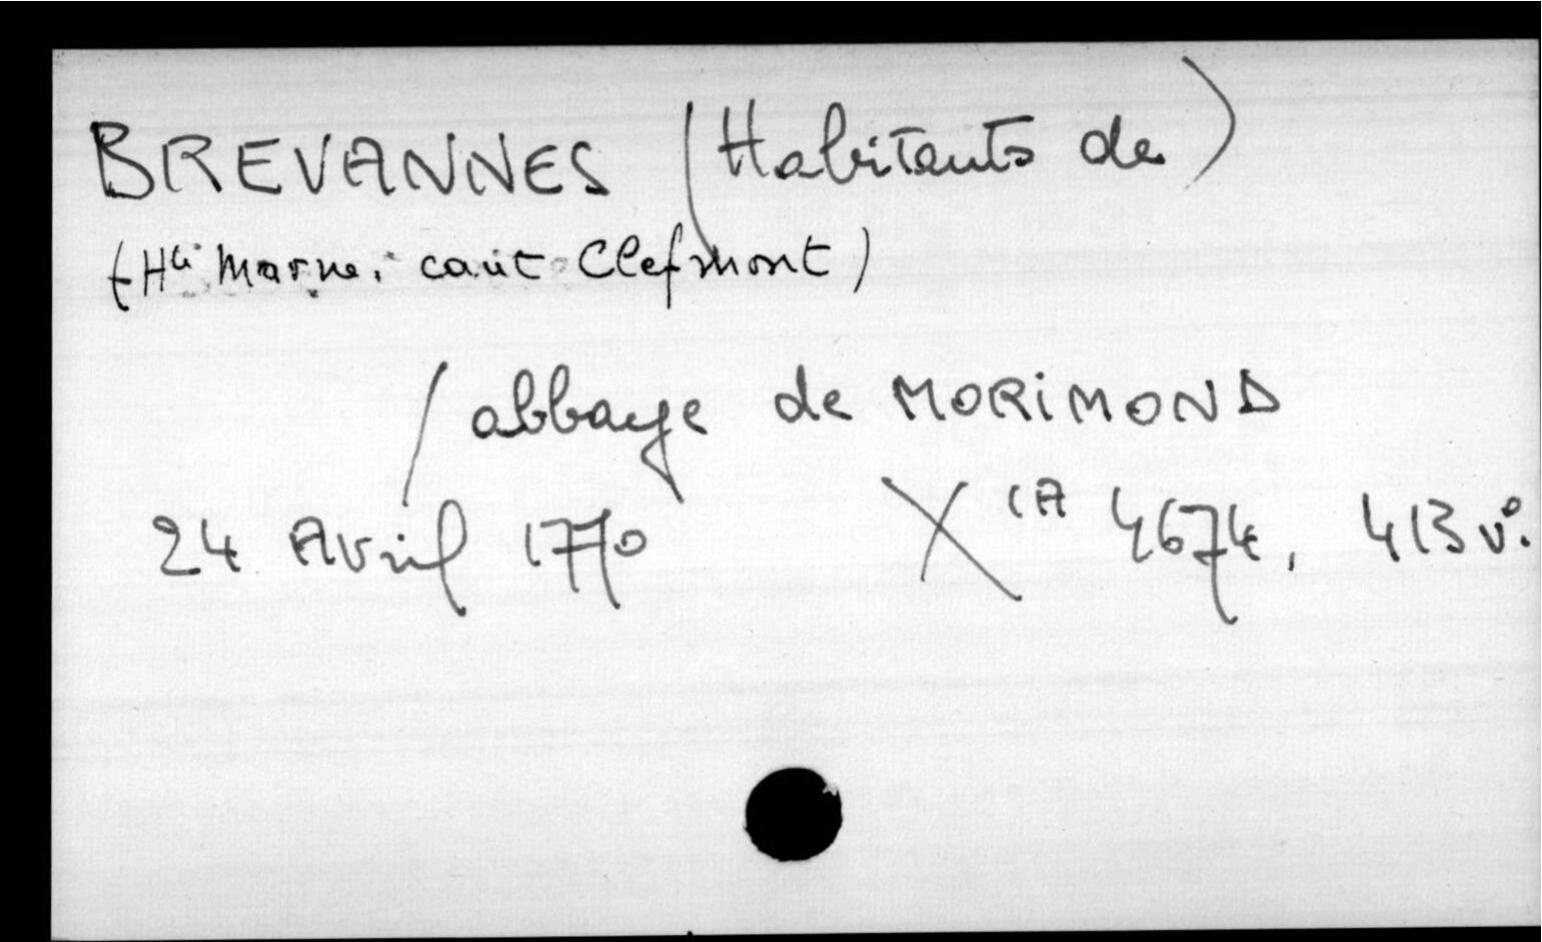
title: BREVANNES (Habitants de) (Haute-Marne, canton Clermont)
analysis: Contre abbaye de MORIMOND
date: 24 avril 1770
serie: X1A
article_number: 4674
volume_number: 413v
